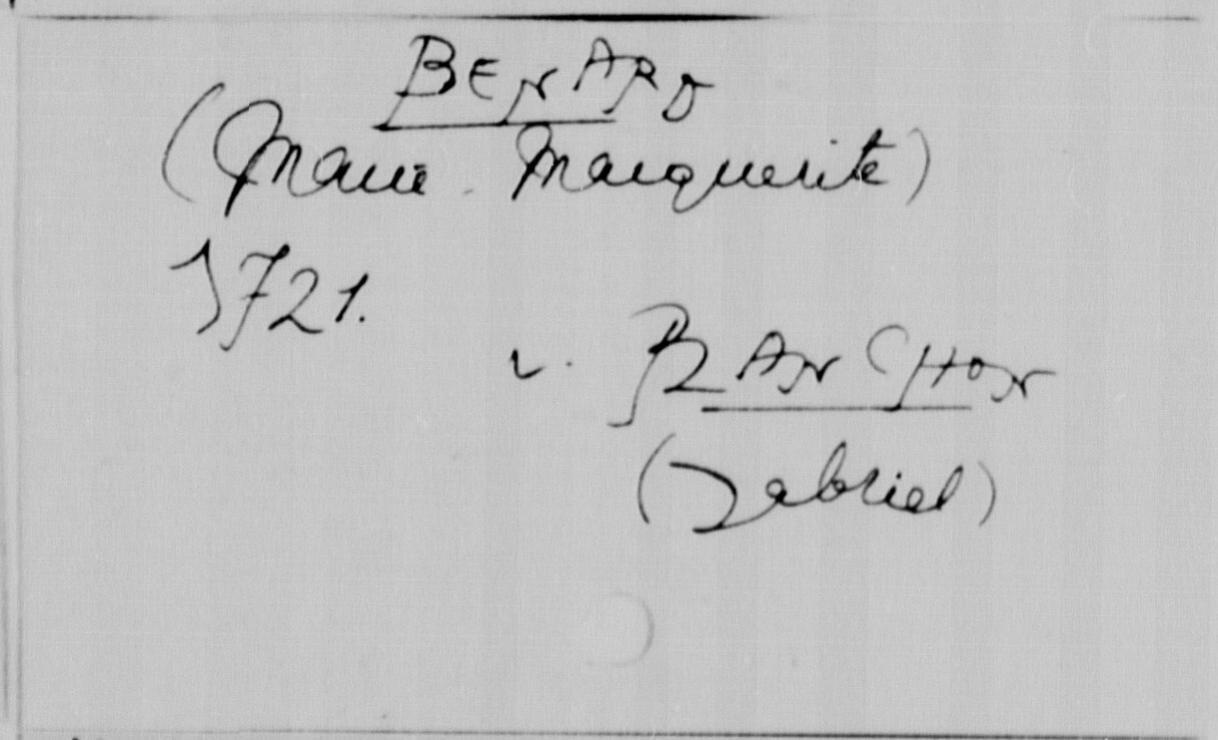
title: BENARD (Marie-Marguerite)
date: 1721
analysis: Voir PLANCHON (Gabriel)
